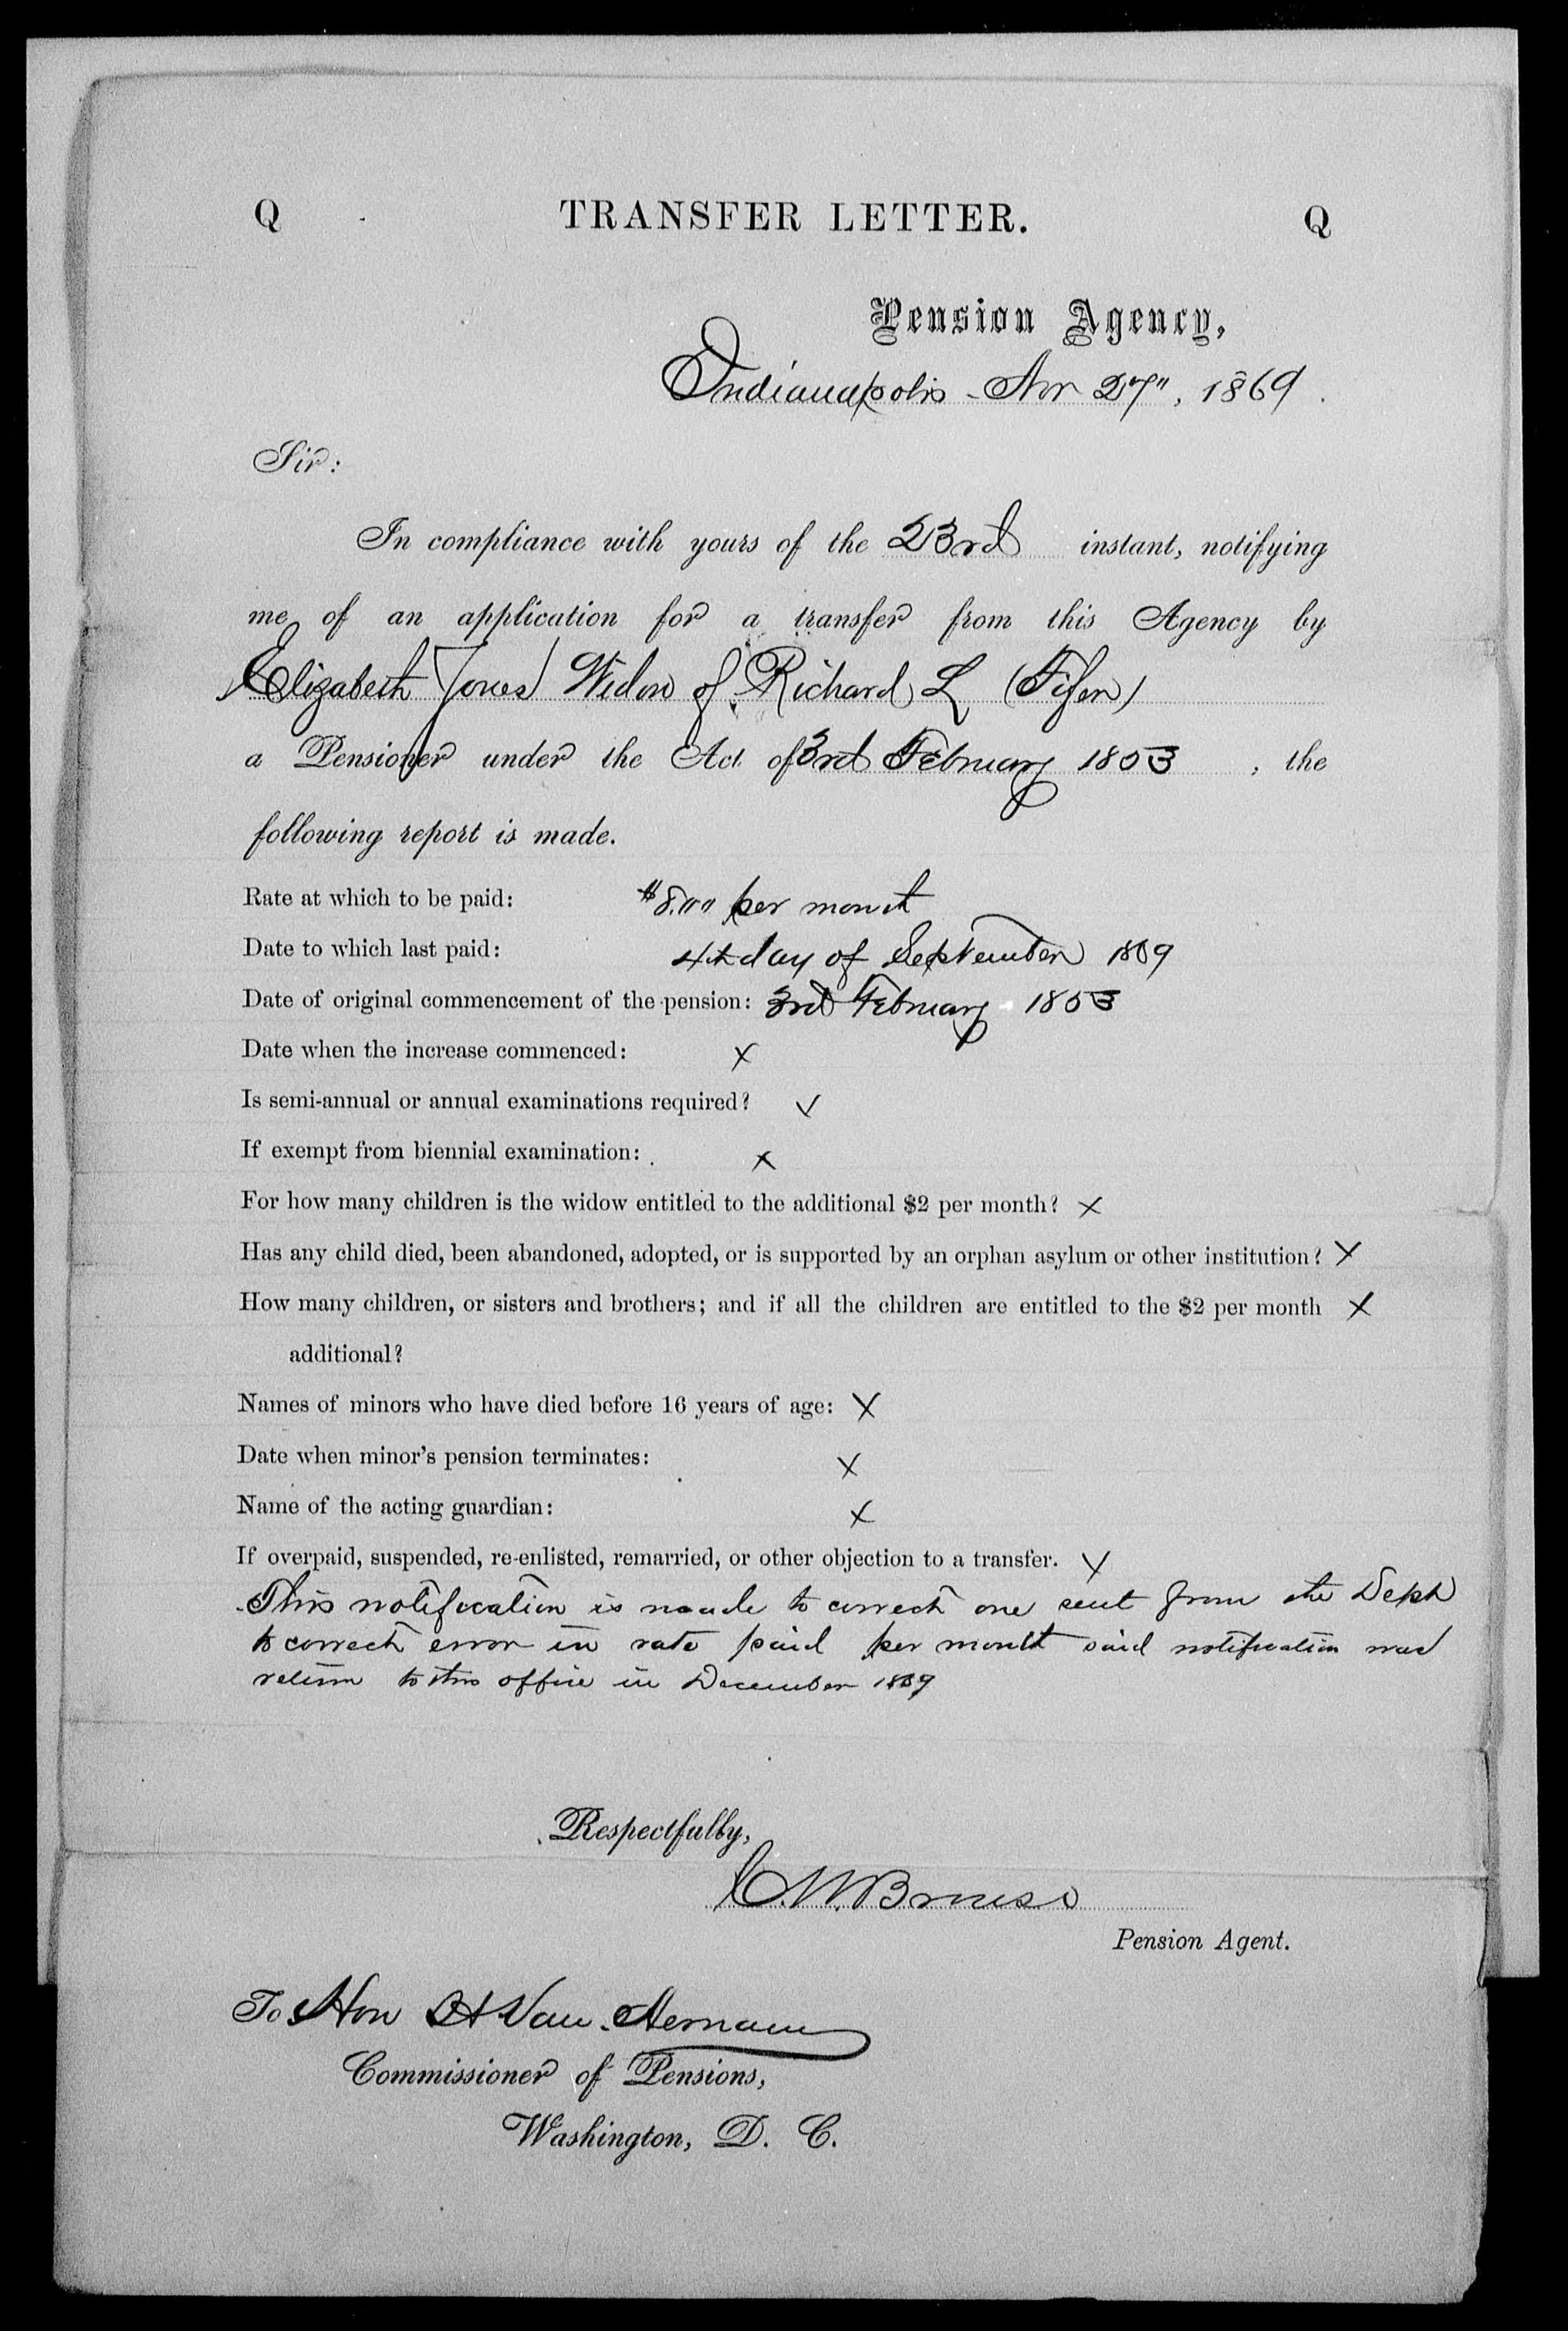Q TRANSFER LETTER. Q
Pension Agency,
Indianapolis Nov 27", 1869
Sir:
In compliance with yours of the 23rd instant, notifying me of an application for a transfer from this Agency by Elizabeth Jones Widow of Richard L (Fifer )
a Pensioner under the Act of 3rd February 1853, the
following report is made
Rate at which to be paid:  $8.00 per month
Date to which last paid: 4th day of September 1889
Date of original commencement of the pension: 3rd February 1853
Date when the increase commenced: X
Is semi-annual or annual examinations required? X
If exempt from biennial examination: X
For how many children is the widow entitled to the additional $2 per month X
Has any child died, been abandoned, adopted, or is supported by an orphan asylum or other institution? c
How many children, or sisters and brothers; and if all the children are entitled to the $2 per month TRANSFER LETTER.
Pension Agenty,
Indiana on Nov 27" 1869
2
In compliance with yours of the 3rd instant, notifying
an application for a transfer from this Agency by
beth Jones Widow of Richard L (Fife )
a Pensioner under the Act of 3rd February 1853, the
following report is made
Rate at which to be paid:
$8.00 per month
Date to which last paid:
4th day of September 1889
Date of original commencement of the pension: 3rd February 1853
Date when the increase commenced:
the
X
Is semi-annual or annual examinations required?
If exempt from biennial examination:
-
X
For how many children is the widow entitled to the additional $2 per month TRANSFER LETTER.
Pension Agenty,
Indiana on Nov 27" 1869
2
In compliance with yours of the 3rd instant, notifying
an application for a transfer from this Agency by
beth Jones Widow of Richard L (Fife )
a Pensioner under the Act of 3rd February 1853, the
following report is made
Rate at which to be paid:
$8.00 per month
Date to which last paid:
4th day of September 1889
Date of original commencement of the pension: 3rd February 1853
Date when the increase commenced:
the
X
Is semi-annual or annual examinations required?
If exempt from biennial examination:
-
X
For how many children is the widow entitled to the additional $2 per month TRANSFER LETTER.
Pension Agenty,
Indiana on Nov 27" 1869
2
In compliance with yours of the 3rd instant, notifying
an application for a transfer from this Agency by
beth Jones Widow of Richard L (Fife )
a Pensioner under the Act of 3rd February 1853, the
following report is made
Rate at which to be paid:
$8.00 per month
Date to which last paid:
4th day of September 1889
Date of original commencement of the pension: 3rd February 1853
Date when the increase commenced: X
Is semi-annual or annual examinations required? X
If exempt from biennial examination: X
For how many children is the widow entitled to the additional $2 per month X
Has any child died, been abandoned, adopted, or is supported by an orphan asylum or other institution? X
How many children, or sisters and brothers; and if all the children are entitled to the $2 per month X additional?
Names of minors who have died before 16 years of age: X
Date when minor's pension terminates:
X
Name of the acting guardian: X
If overpaid, suspended, re-enlisted, remarried, or other objection to a transfer.  X
This notification is made to correct one sent from the Dept to correct error in rate paid per month said notification was
return to this office in December 1869

Respectfully,
C W Brouse
Pension Agent.

To Hon H Van Hernan
Commissioner of Pensions
Washington, D.C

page: 45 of 62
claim: widow's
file: W. 765, for Richard L Jones, Connecticut